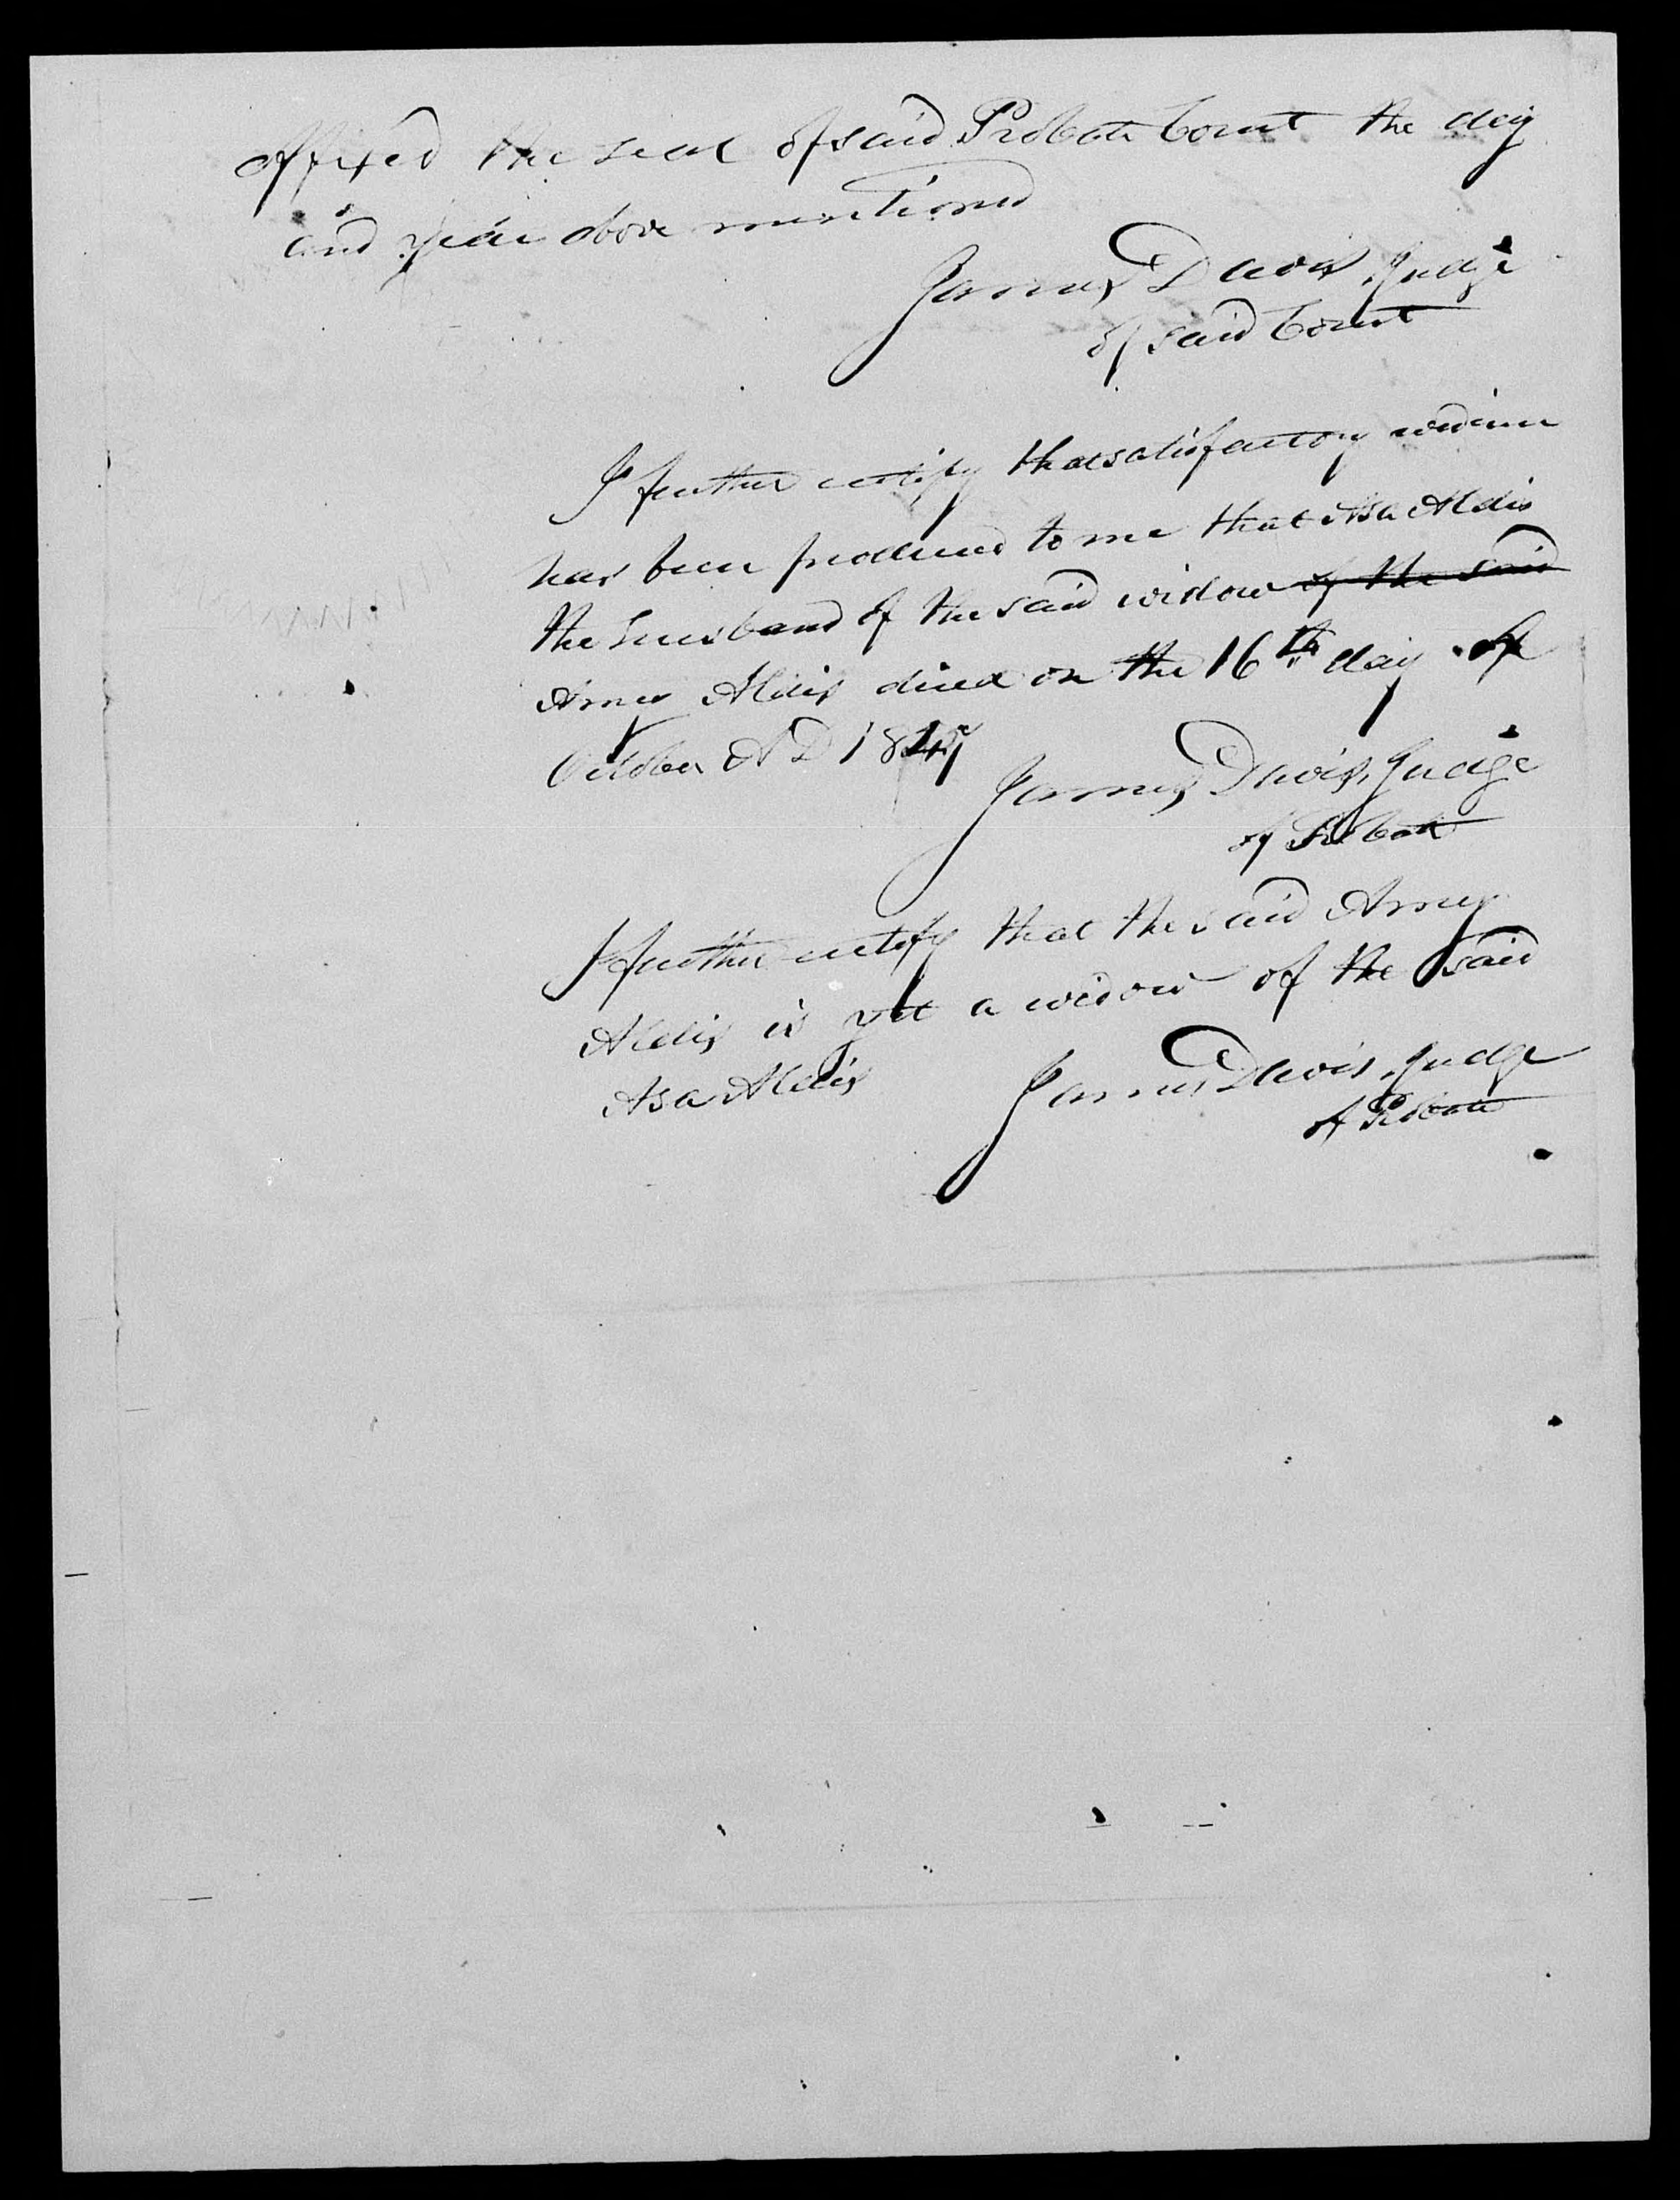affixed the seal of said Probate Court the day
and year above mentioned.
[seal]
James Davis Judge 
of said Court
I further certify that satisfactory evidence 
has been produced to me that Asa Aldis 
the husband of the said widow 
Amey Aldis died on the 16th day of
October A. D. 1847
James Davis Judge
of probate
I further certify that the said Amy
Aldis is yet a widow of the said
Asa Aldis
James Davis Judge
Of probate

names: James Davis, Amey Aldis, James Davis, Amey Aldis, Asa Aldis, Asa Aldis, James Davis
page: 7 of 76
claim: widow's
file: W. 15,517, William Gadcomb, R.I.